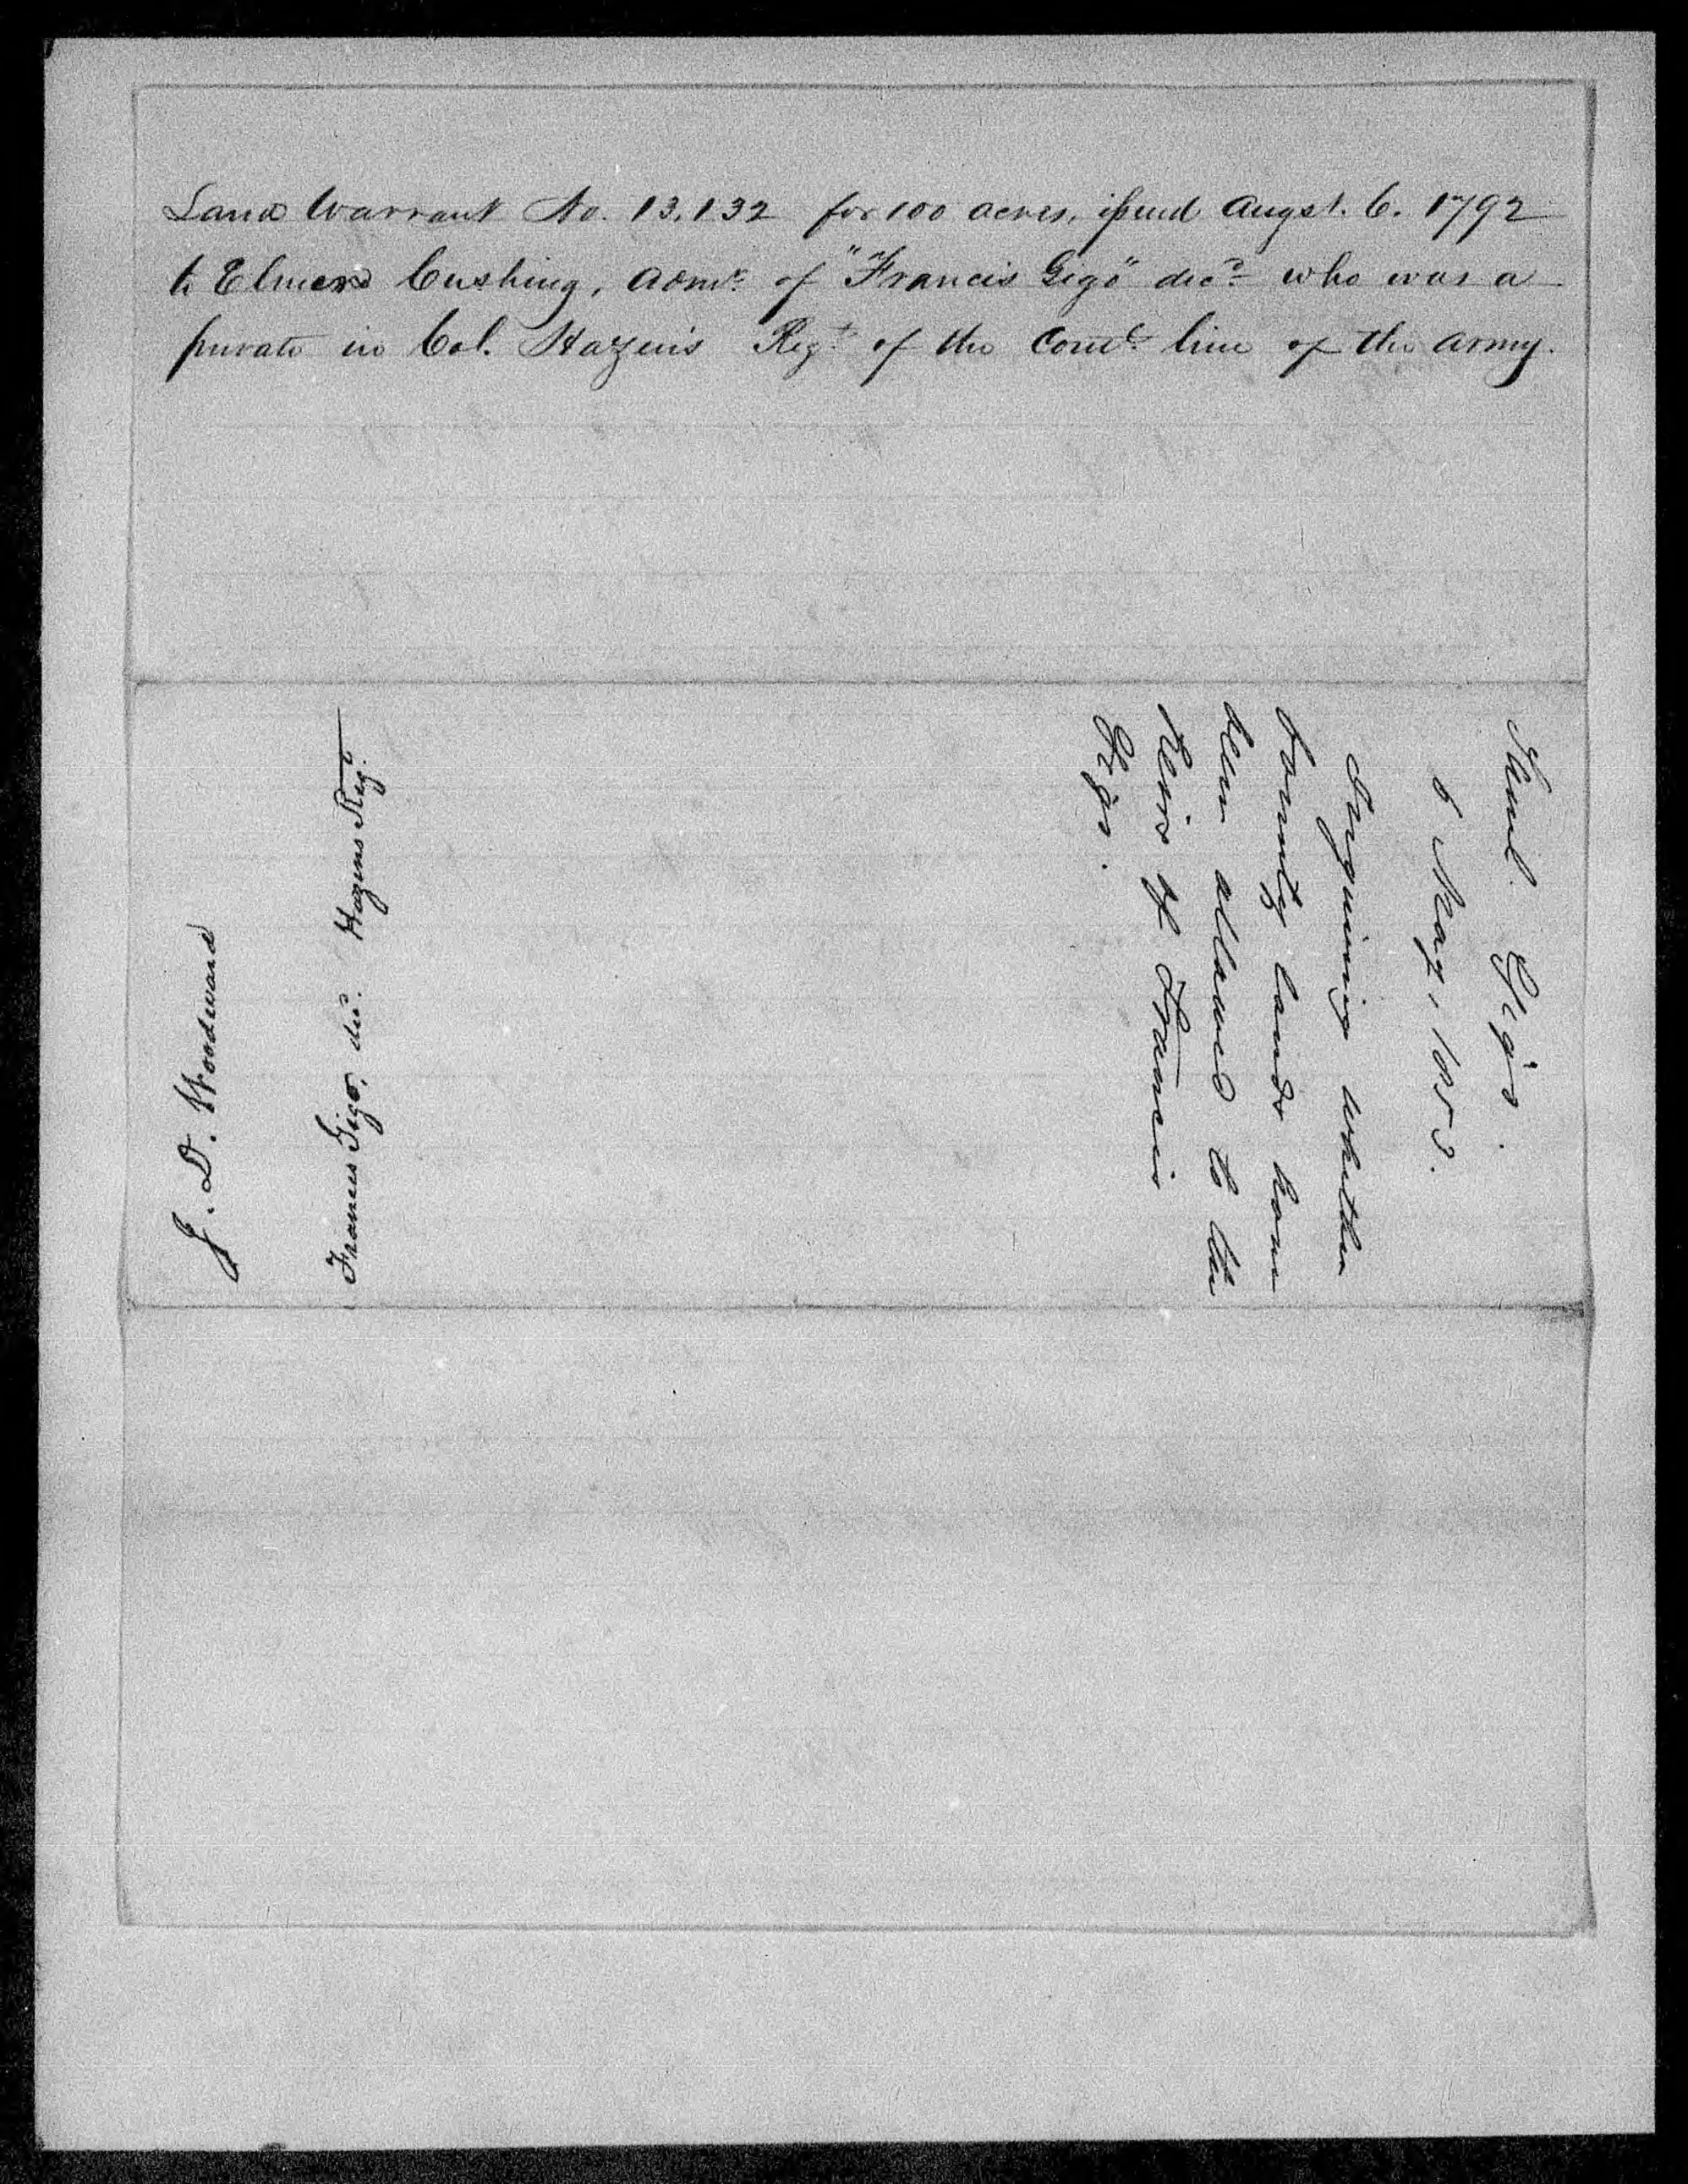Said Warrant No 13,132 for 100 acres, issued Augst. 6, 1792 to Elman Cushing, aomt. of "Francis Gigo" dec? who was a private in Col. Hazen's Regt of the contl. line of the army.

Samuel Gigo b May, 1853
Inquiring whether bounty lands have been allowed to heirs of Francis

?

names: Frances Gigo, J D Woodward, Saml Gigo, Elmer Cushing, Francis Gigo, Francis Gigo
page: 4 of 98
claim: widow's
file: W. 21182, Francis Gigo, Continental (Canadian)